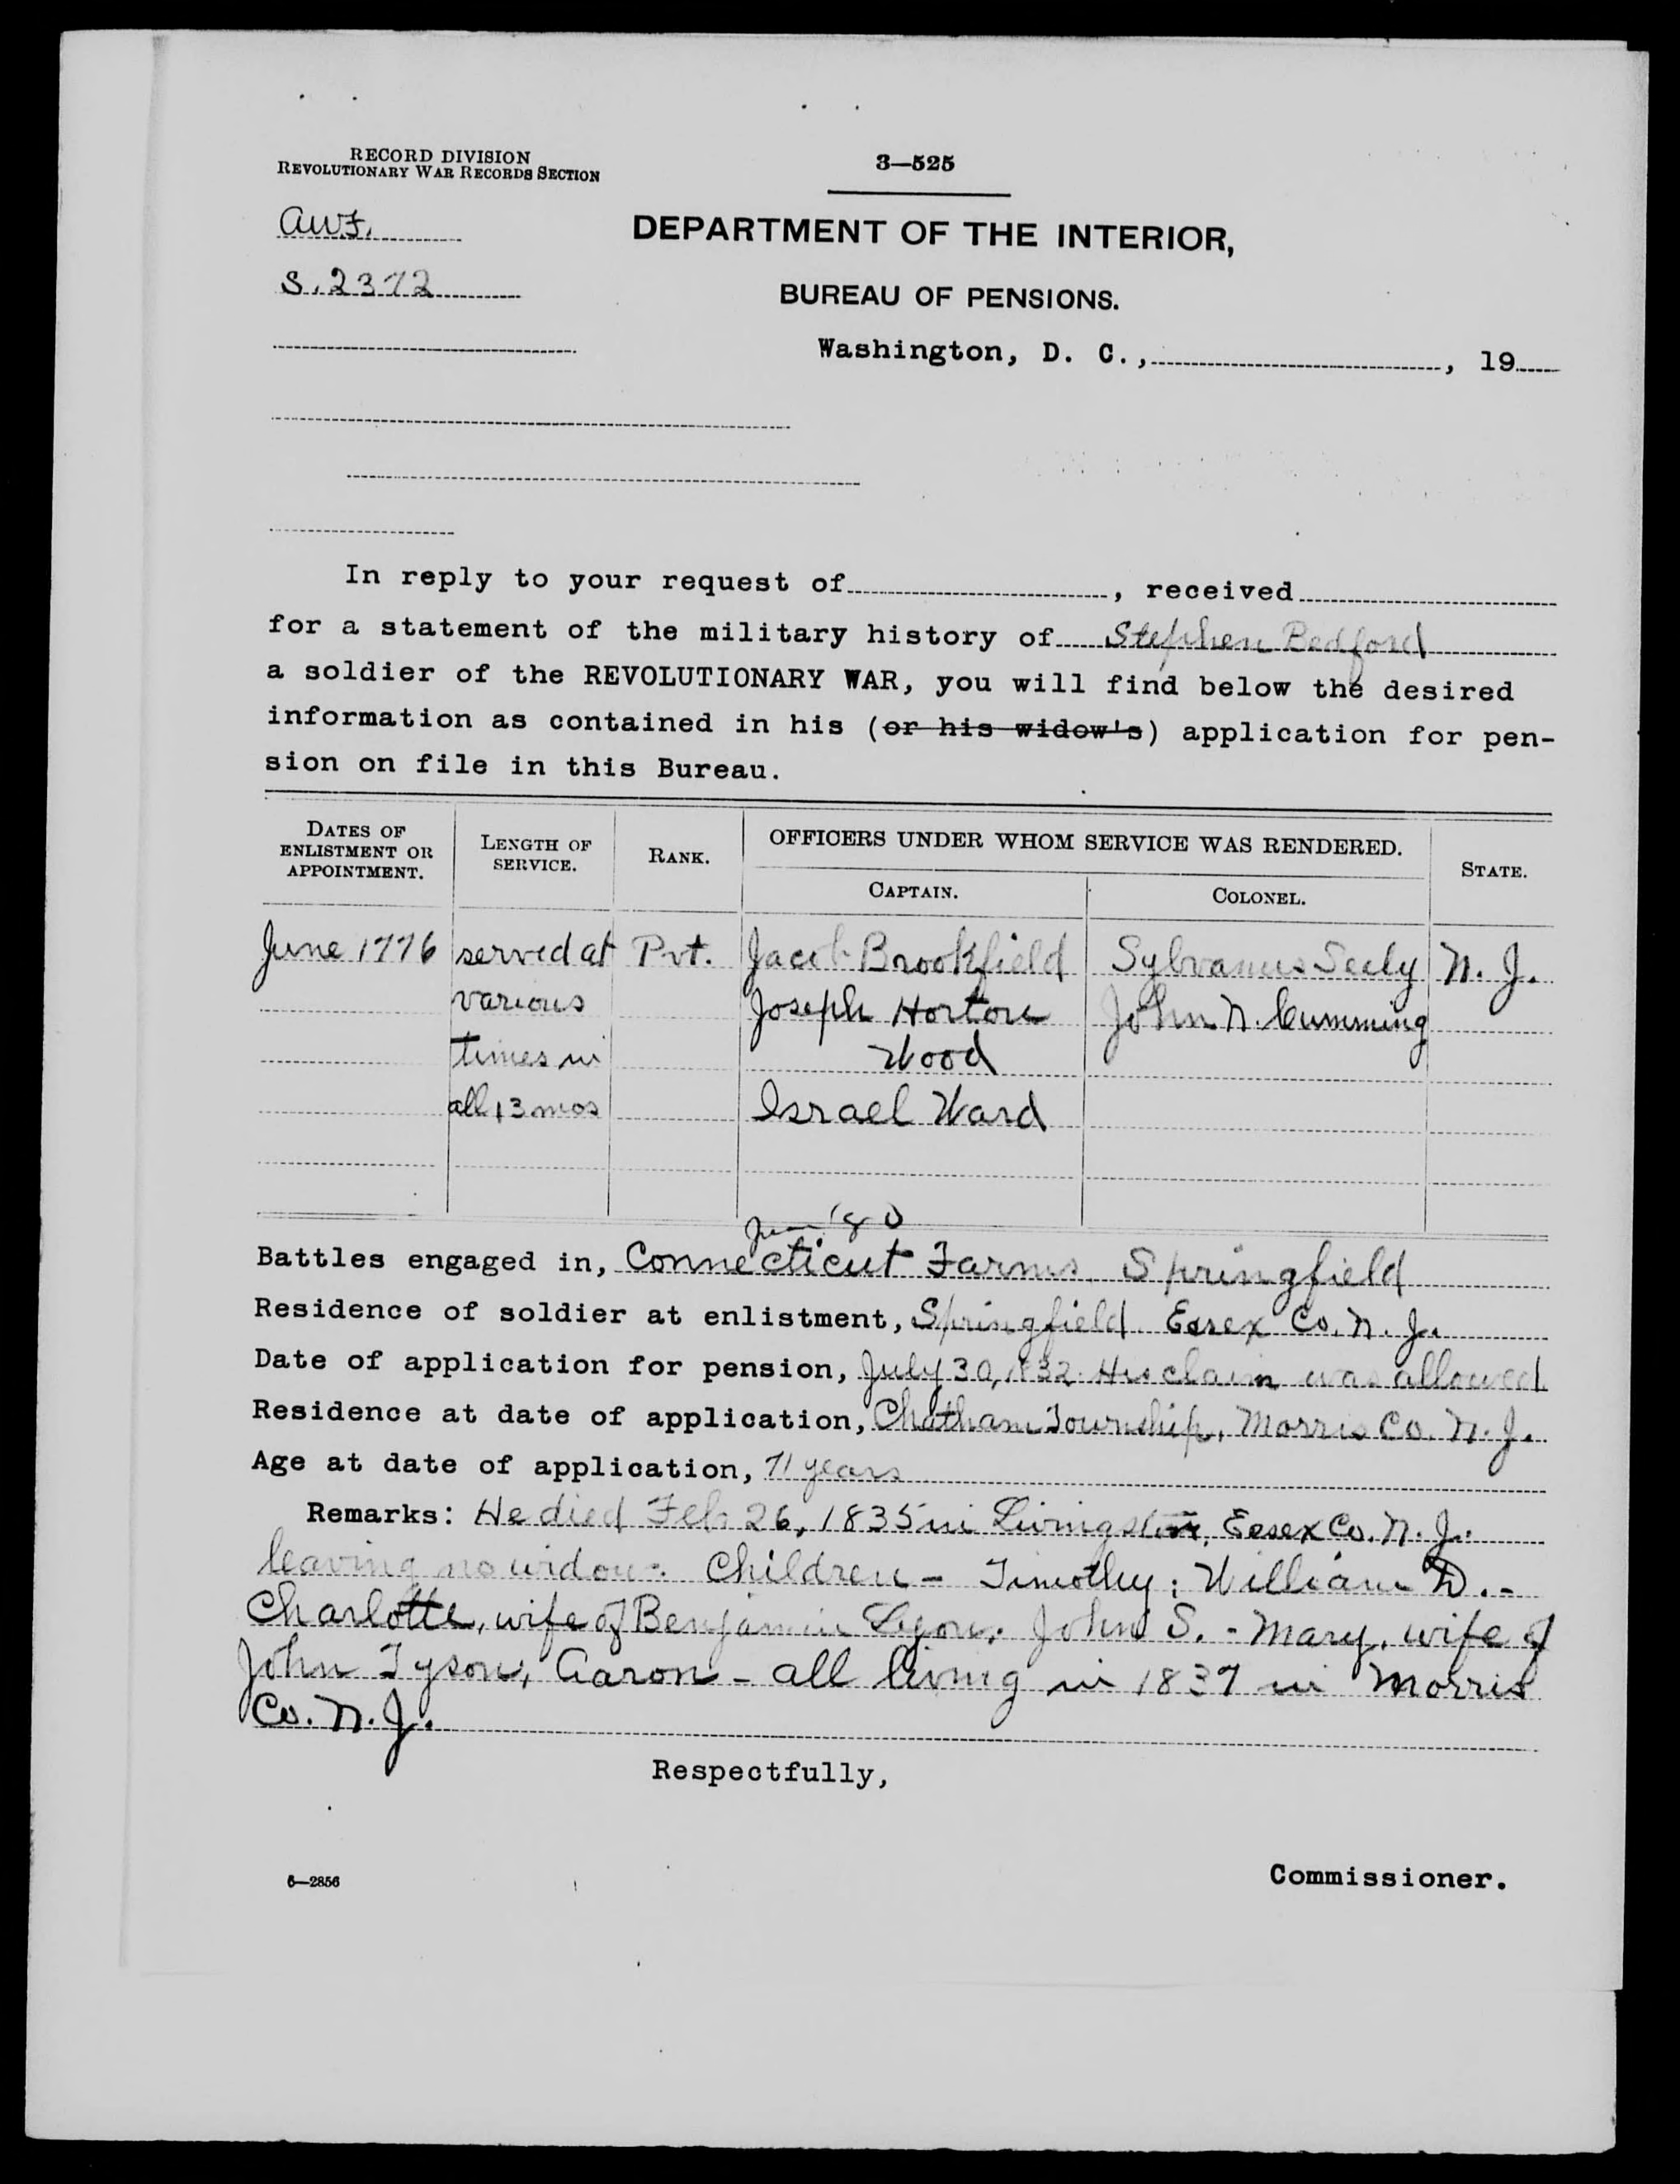RECORD DIVISION 3-525
REVOLUTIONARY WAR RECORDS SECTION
AWF, DEPARTMENT OF THE INTERIOR,
S. 2372 BUREAU OF PENSIONS.
Washington, D.C., _____, 19__
In reply to your request of___, received for a statement of the military history of Stephen Bedford a soldier of the REVOLUTIONARY WAR, you will find below the desired information as contained in his application for pension on file in this Brueau.
DATES OF ENLISTMENT OR APPOINTMENT. LENGTH OF SERVICE. OFFICERS UNDER WHOM SERVICE WAS RENDERED. STATE.
Captain. Colonel.
June 1776 served at various times in all 13 mos
Pvt.
Jacob Brookfield Joseph Horton  Wood Israel Ward
Sylvanus Seely John N. Cumming N.J.
Battles engaged in, Connecticut June '80 Farms Springfield
Residence of soldier at enlistment, Springfield Essex Co. N.J.
Date of application for pension, July 30, 1832. His claim was allowed.
Residence at date of application, Chatham Township, Morris Co. N.J.
Age at date of application, 71 years
Remarks: He died Feb 26, 1835 in Livingston, Essex Co. N.J. leaving no widow. Children - Timothy; William D., Charlotte, wife of Benjamin Lyon; John S., Mary, wife of John Tyson, Aaron - all living in 1837 in Morris Co. N.J.
Respectfully,
Commissioner.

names: Aaron, Benjamin Lyon, Israel Ward, Sylvanus Seely, John S, John N Cumming, John Tyson, Jacob Brookfield, Joseph Horton, Timothy, William D, Charlotte, Stephen Bedford, Wood, Mary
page: 31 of 31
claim: survivor's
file: S. 2372, Stephen Bedford, New Jersey